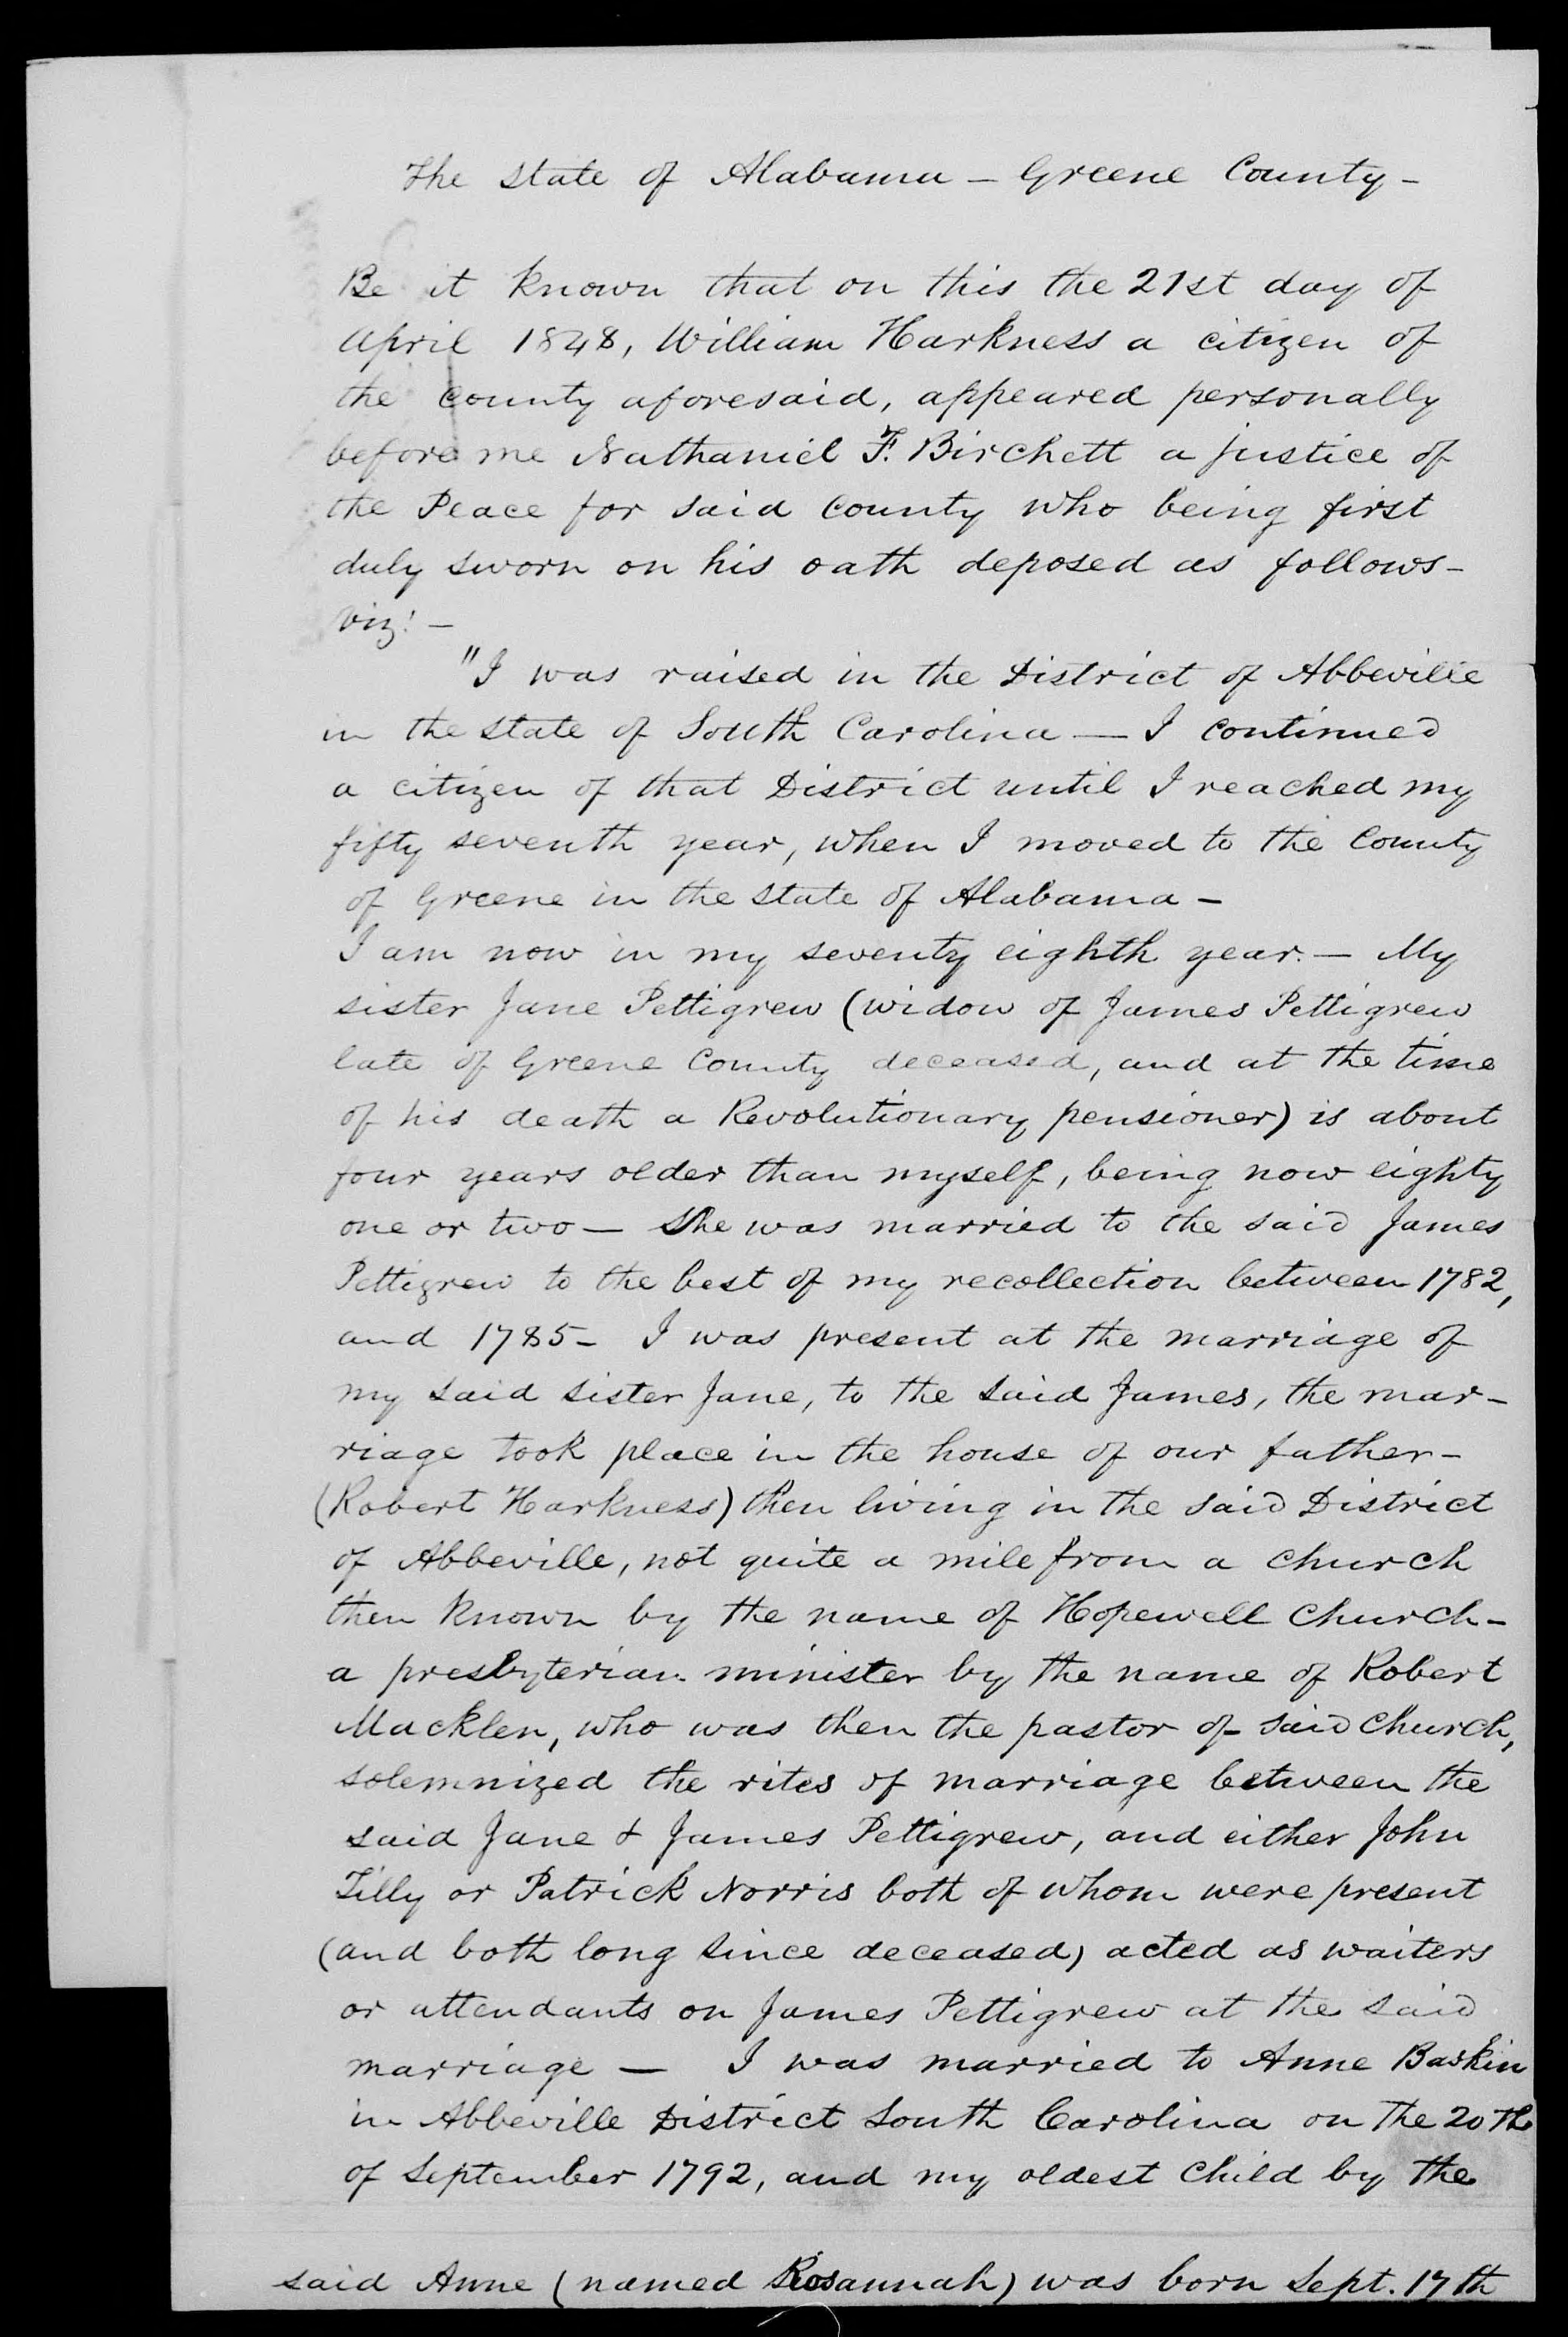The State of Alabama - Greene County -

Be it known that on this the 21st day of April 1848, William Harkness a citizen of  the county aforesaid, appeared personally before me Nathaniel F. Britchett a justice of the Peace for said county who being first duly sworn on his oath deposed as follows-
[illegible]!-
"I was raised in the District of Abbeville in the state of South Carolina-I continued citizen of that District until I reached my fifty seventh year, when I moved to the County of Greene in the state of Alabama-
I am now in my seventy eighth year.-My sister Jane Pettigrew (widow of James Pettigrew late of Greene County deceased, and at the time of his death a Revolutionary pensioner) is about four years older than myself, being now eighty one or two-She was married to the said James Pettigrew to the best of my recollection between 1782, and 1785-I was present at the marriage of my said sister Jane, to the said James, the marriage took place in the house of our father-{Robert Harkness) then living in the said district of Abbeville, not quite a mile from a church then known by the name of Hopewell Church-a presbyterian minister by the name of Robert Macklen, who was then the pastor of the said church solemnized the rites of marriage between the said Jane & James Pettigrew, and either John Tilly or Patrick Norris both of of whom were present ( and both long since deceased) acted ad waiters or attendants on James Pettigrew at said marriage-I was married to Anne Baskin in Abbeville District South Carolina on The 20th of September 1792, and my oldest child by The

said Anne (named Rosannah) was born Sept. 17th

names: Robert Harkness; James Pettigrew; Robert Macklen; William Harkness; Nathaniel F Birchett; Anne Baskin; Jane Pettigrew; John Tilly; Patrick Norris; Rosannah [BLANK]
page: 9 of 92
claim: widow's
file: W. 5522, for James Pettigrew, South Carolina